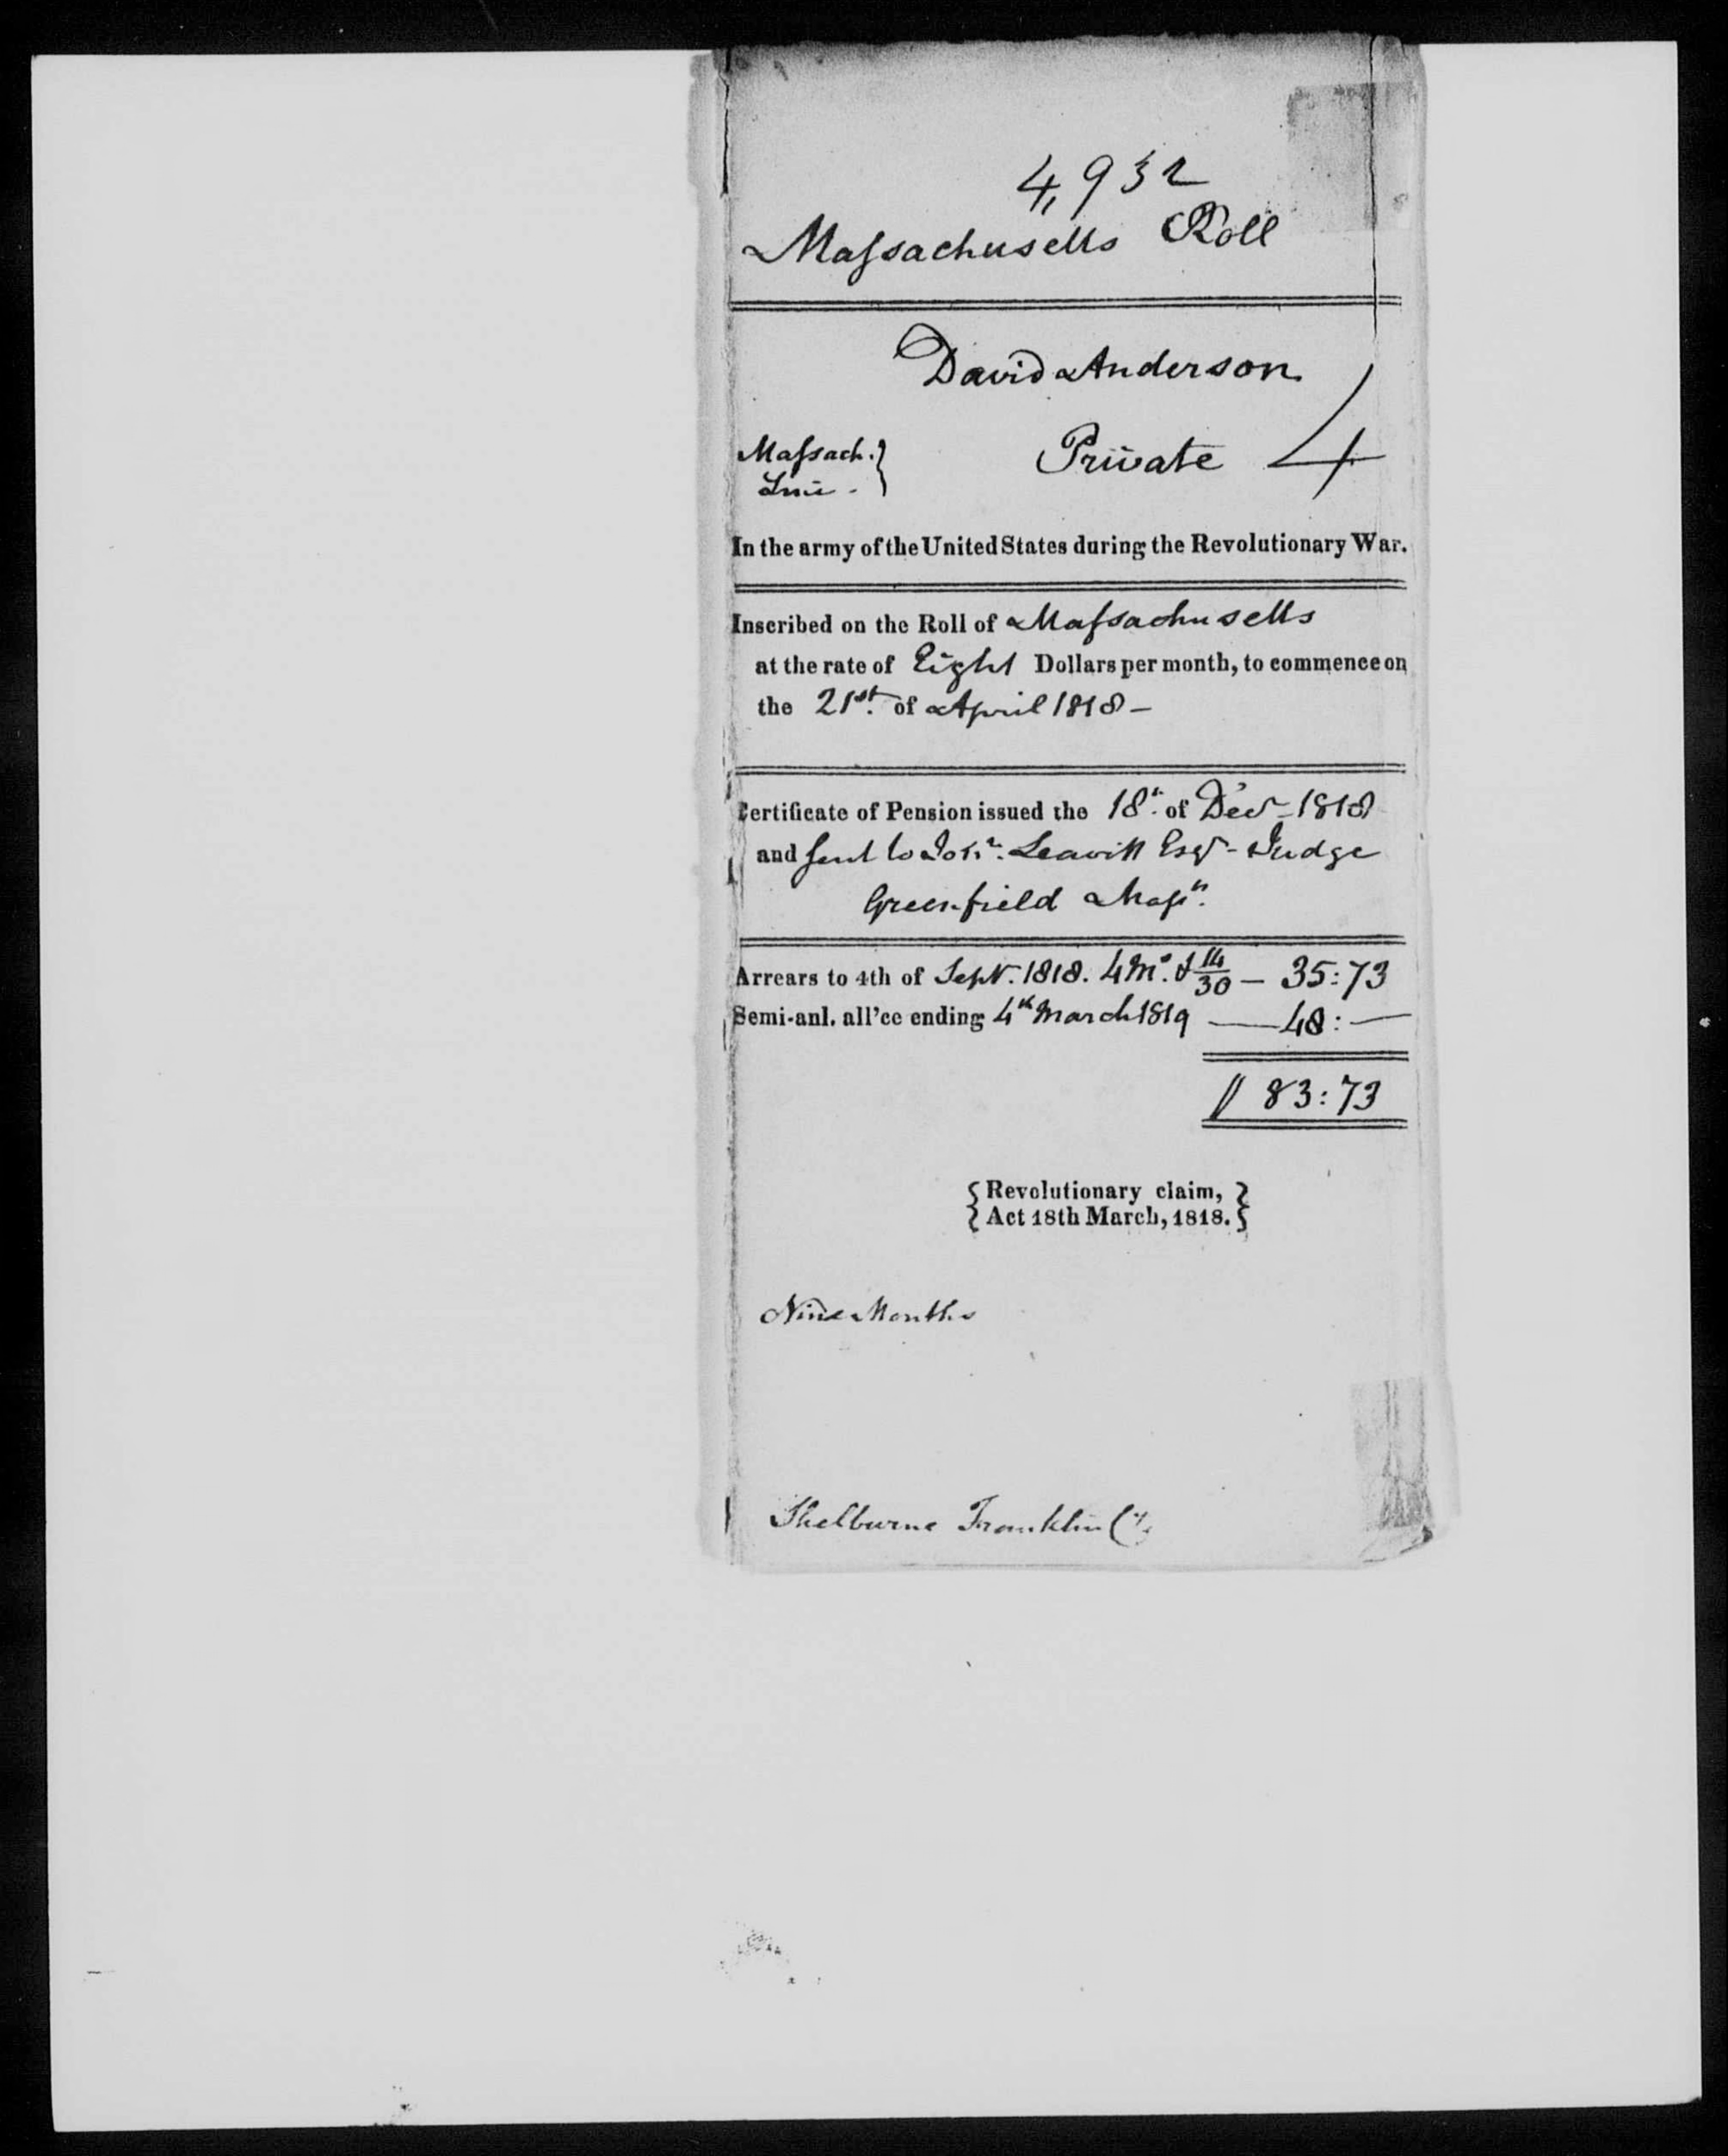4932
Massachusetts Roll
David Anderson
Massach. Line   Private   4
In the army of the United States during the Revolutionary War.
---
Inscribed on the Roll of Massachusetts
at the rate of Eight Dollars per month, to commence on
the 21st of April 1818 -
Certificate of Pension issued the 18th of Decr 1818
and sent to John Leavitt Esqr Judge
Greenfield Mass
Arrears to 4th of Sept. 1818. 4Mo. 30 - 35:73
Semi-anl. all'ce ending 4th March 1819 48:--
                                                                83:73
Revolutionary claim,
Act 18th March, 1818.
Nine Months
Shelburne Franklin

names: David Anderson, Johe Leavitt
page: 21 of 39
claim: widow's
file: W. 20624, David Anderson, Mass